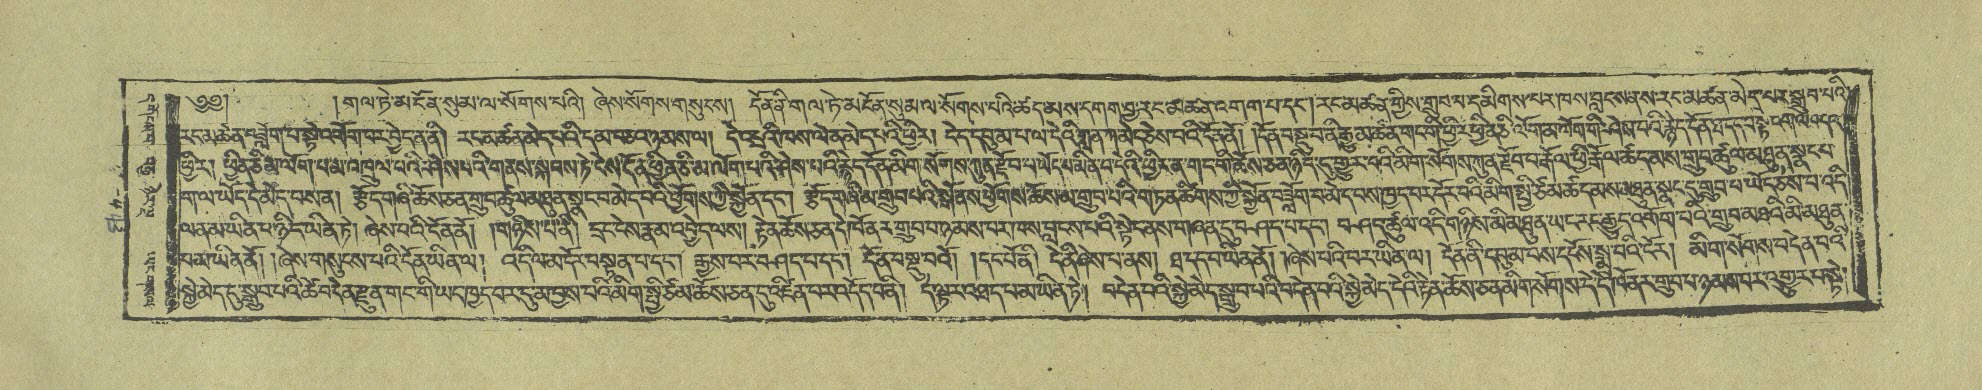༄༅། །གལ་ཏེ་མངོན་སུམ་ལ་སོགས་པའི། ཞེས་སོགས་གསུངས། དོན་ནི་གལ་ཏེ་མངོན་སུམ་ལ་སོགས་པའི་ཚད་མས་དགག་བྱ་རང་མཚན་འགག་པ་དང་། རང་མཚན་གྱིས་གྲུབ་པ་དམིགས་པར་ཁས་བླངས་ནས་རང་མཚན་མེད་པར་སྒྲུབ་པའི་
རང་མཚན་བཟློག་པ་སྟེ་འགོག་པར་བྱེད་ན་ནི། རང་མཚན་མེད་པའི་དམ་བཅའ་ཉམས་ལ། དེ་འདྲའི་ཁས་ལེན་མེད་པའི་ཕྱིར། དེད་དབུ་མ་པ་ལ་དེའི་གླན་ཀ་མེད་ཅེས་པའི་དོན་ནོ། །དོན་བསྡུ་བ་ནི་རྒྱུ་མཚན་གང་གི་ཕྱིར་ཕྱིན་ཅི་ལོག་མ་ལོག་གི་ཤེས་པའི་རྙེད་དོན་ཐ་དད་པ་སྟེ་འགལ་བདེའི་
ཕྱིར། ཕྱིན་ཅི་མ་ལོག་པ་མ་འཁྲུལ་པའི་ཤེས་པའི་གནས་སྐབས་ཏེ་ངེས་དོན་ཕྱིན་ཅི་མ་ལོག་པའི་ཤེས་པའི་རྙེད་དོན་མིག་སོགས་ཀུན་རྫོབ་པ་ཡོད་པ་མིན་པ་དེའི་ཕྱིར་ན་གང་གི་ཆོས་ཅན་ཉིད་དུ་གྱུར་བའི་མིག་སོགས་ཀུན་རྫོབ་པ་རྒོལ་ཕྱི་རྒོལ་ཚད་མས་གྲུབ་ཚུལ་མཐུན་སྣང་བ་
ག་ལ་ཡོད་དེ་མེད་པས་ན། རྩོད་གཞི་ཆོས་ཅན་གྲུབ་ཚུལ་མཐུན་སྣང་བ་མེད་པའི་ཕྱོགས་ཀྱི་སྐྱོན་དང་། རྩོད་གཞི་མ་གྲུབ་པའི་སྒོ་ནས་ཕྱོགས་ཆོས་མ་གྲུབ་པའི་གཏན་ཚིགས་ཀྱི་སྐྱོན་བཟློག་པ་མེད་པས་ཁྱད་པར་དོར་བའི་མིག་སྤྱི་ཙམ་ཚད་མས་མཐུན་སྣང་དུ་གྲུབ་པ་ཡོད་ཅེས་པ་འདི་
ལན་མ་ཡིན་པ་ཉིད་ཡིན་ཏེ། ཞེས་པའི་དོན་ནོ། །གཉིས་པ་ནི། དྲང་ངེས་རྣམ་འབྱེད་ལས། རྟེན་ཆོས་ཅན་དེ་ཁོ་ནར་གྲུབ་པ་ཉམས་པར་ཁས་བླངས་པའི་སྟེང་ནས་གཞན་དུ་བཤད་པ་དང་། བཤད་ཚུལ་འདི་གཉིས་མི་མཐུན་ཡང་རང་རྒྱུད་འགོག་པའི་གྲུབ་མཐའི་མི་མཐུན་
པ་མ་ཡིན་ནོ། །ཞེས་གསུངས་པའི་དོན་ཡིན་ལ། འདི་ལ་མདོར་བསྟན་པ་དང་། རྒྱས་པར་བཤད་པ་དང་། དོན་བསྡུ་བའོ། །དང་པོ་ནི། དེ་ནི་ཞེས་པ་ནས། ཐ་དད་པ་ཡིན་ནོ། །ཞེས་པའི་བར་ཡིན་ལ། དོན་ནི་དབུ་མ་པས་དངོས་སྨྲ་བའི་ངོར། མིག་སོགས་བདེན་པའི་
སྐྱེ་མེད་དུ་སྒྲུབ་པའི་ཚེ་བདེན་རྫུན་གང་གི་ཡང་ཁྱད་པར་དུ་མ་བྱས་པའི་མིག་སྤྱི་ཙམ་ཆོས་ཅན་དུ་འཛིན་པར་འདོད་པ་ནི། དེ་ལྟར་འཐད་པ་མ་ཡིན་ཏེ། བདེན་པའི་སྐྱེ་མེད་སྒྲུབ་པའི་བདེན་པའི་སྐྱེ་མེད་དེའི་རྟེན་ཆོས་ཅན་མིག་སོགས་དེ་དེ་ཁོ་ནར་གྲུབ་པ་ཉམས་པར་འགྱུར་བ་སྟེ།